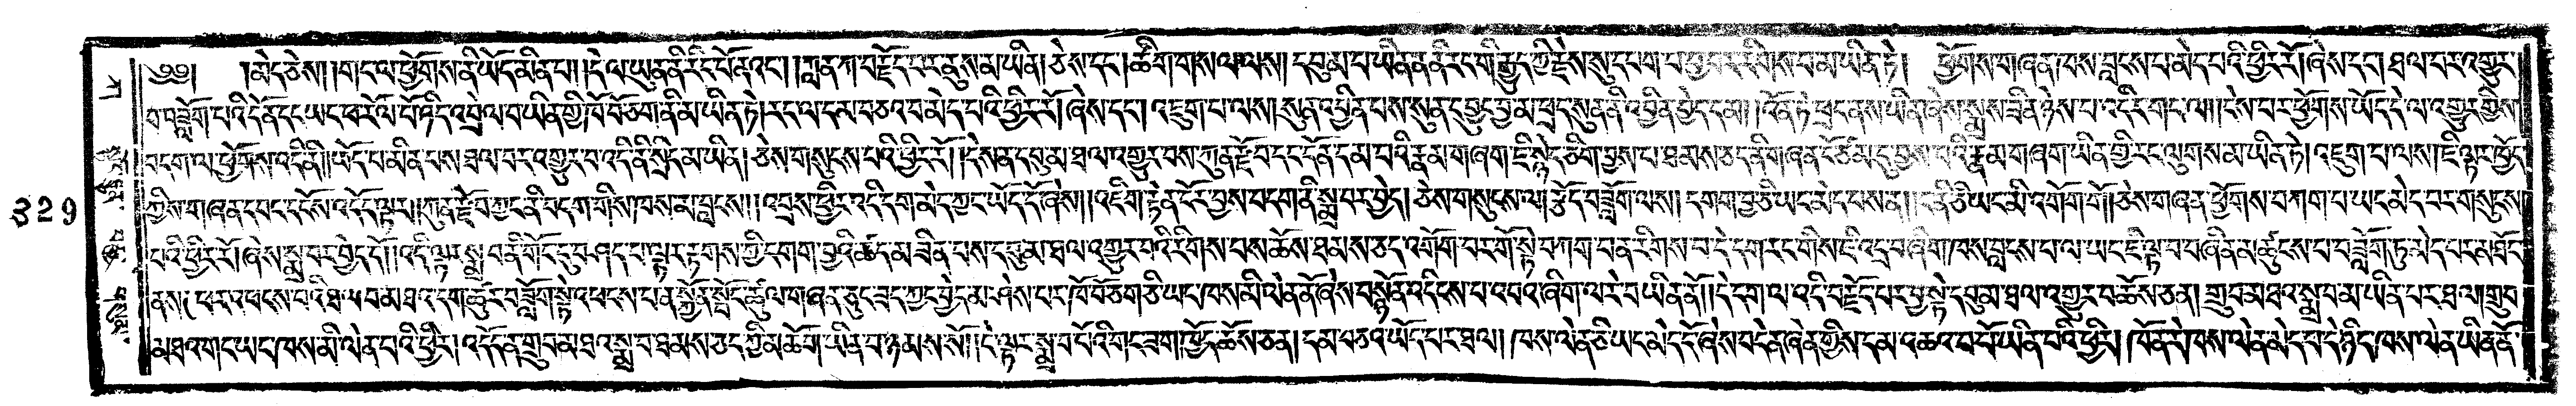༄༅། །མེད་ཅེས། །གང་ལ་ཕྱོགས་ནི་ཡོད་མིན་པ། །དེ་ལ་ཡུན་ནི་རིང་པོ་ནའང་། །ཀླན་ཀ་བརྗོད་པར་ནུས་མ་ཡིན། ཅེས་དང་། ཚིག་གསལ་ལས། དབུ་མ་པ་ཡིན་ན་ནི་རང་གི་རྒྱུད་ཀྱི་རྗེས་སུ་དཔག་པ་བྱ་བར་རིགས་པ་མ་ཡིན་ཏེ། ཕྱོགས་གཞན་ཁས་བླངས་པ་མེད་པའི་ཕྱིར་རོ། ཞེས་དང་། ཐལ་བར་འགྱུར་
བ་བཟློག་པའི་དོན་དང་ཡང་ཕ་རོལ་བོ་ཉིད་འབྲེལ་བ་ཡིན་གྱི་ཁོ་བོ་ཅག་ནི་མ་ཡིན་ཏེ། རང་ལ་དམ་བཅའ་བ་མེད་པའི་ཕྱིར་རོ། ཞེས་དང་། འཇུག་པ་ལས། སུན་འབྱིན་པས་སུན་དབྱུང་བྱ་མ་ཕྲད་སུན་ནི་འབྱིན་བྱེད་དམ། །འོན་ཏེ་ཕྲད་ནས་ཡིན་ཞེས་སྨྲས་ཟིན་ཉེས་པ་འདིར་གང་ལ། །ངེས་པར་ཕྱོགས་ཡོད་དེ་ལ་འགྱུར་གྱིས་
བདག་ལ་ཕྱོགས་འདི་ནི། །ཡོད་པ་མིན་པས་ཐལ་བར་འགྱུར་བ་འདི་ནི་སྲིད་མ་ཡིན། ཅེས་གསུངས་པའི་ཕྱིར་རོ། །དེས་ན་དབུ་མ་ཐལ་འགྱུར་བས་ཀུན་རྫོབ་དང་དོན་དམ་པའི་རྣམ་གཞག་ཇི་སྙེད་ཅིག་བྱས་པ་ཐམས་ཅད་ནི་གཞན་ངོ་ཙམ་དུ་བྱས་པའི་རྣམ་གཞག་ཡིན་གྱི་རང་ལུགས་མ་ཡིན་ཏེ། འཇུག་པ་ལས། ཇི་ལྟར་ཁྱོད་
ཀྱིས་གཞན་དབང་དངོས་འདོད་ལྟར། །ཀུན་རྫོབ་ཀྱང་ནི་བདག་གིས་ཁས་མ་བླངས། །འབྲས་ཕྱིར་འདི་དག་མེད་ཀྱང་ཡོད་དོ་ཞེས། །འཇིག་རྟེན་ངོར་བྱས་བདག་ནི་སྨྲ་བར་བྱེད། ཅེས་གསུངས་ལ། རྩོད་བཟློག་ལས། དགག་བྱ་ཅི་ཡང་མེད་བས་ན། །ང་ནི་ཅི་ཡང་མི་འགོག་གོ། ཅེས་གཞན་ཕྱོགས་བཀག་པ་ཡང་མེད་པར་གསུངས་
པའི་ཕྱིར་རོ། ཞེས་སྨྲ་བར་བྱེད་དོ། །འདི་ལྟར་སྨྲ་བ་ནི་གོང་དུ་བཤད་པ་ལྟར་རྟགས་ཀྱི་དགག་བྱའི་ཚད་མ་ཟིན་པས་དབུ་མ་ཐལ་འགྱུར་བའི་རིགས་པས་ཆོས་ཐམས་ཅད་འགོག་བར་གོ་སྟེ་བཀག་པ་ན་རིགས་པ་དེ་དག་རང་གིས་ཇི་འདྲ་བ་ཞིག་ཁས་བླངས་པ་ལ་ཡང་ཇི་ལྟ་བ་བཞིན་མཚུངས་པ་བཟློག་ཏུ་མེད་པར་མཐོང་
ནས༑ ཕར་འཕངས་པའི་ཐལ་བ་མཐའ་དག་ཚུར་བཟློག་སྟེ་འཕངས་པ་ན་སྐྱོན་སྤོང་ཚུལ་གཞན་ཅུང་ཟད་ཀྱང་བྱེད་མ་ཤེས་པར་ཁོ་བོ་ཅག་ཅི་ཡང་ཁས་མི་ལེན་ནོ་ཞེས་བསྙོན་འདིངས་པ་འབའ་ཞིག་ལ་རེ་བ་ཡིན་ནོ། །དེ་དག་ལ་འདི་བརྗོད་པར་བྱ་སྟེ་དབུ་མ་ཐལ་འགྱུར་བ་ཆོས་ཅན། གྲུབ་མཐའ་སྨྲ་བ་མ་ཡིན་པར་ཐལ། གྲུབ་
མཐའ་གང་ཡང་ཁས་མི་ལེན་པའི་ཕྱིར། འདོད་ན་གྲུབ་མཐའ་སྨྲ་བ་ཐམས་ཅད་ཀྱི་མཆོག་ཡིན་པ་ཉམས་སོ། །དེ་ལྟར་སྨྲ་བ་པོའི་གང་ཟག་ཁྱོད་ཆོས་ཅན། དམ་བཅའ་ཡོད་པར་ཐལ། ཁས་ལེན་ཅི་ཡང་མེད་དོ་ཞེས་བདེན་ཞེན་གྱིས་དམ་འཆའ་བ་པོ་ཡིན་པའི་ཕྱིར། ཁོ་ན་རེ་ཁས་ལེན་མེད་པ་དེ་ཉིད་ཁས་ལེན་ཡིན་ནོ་